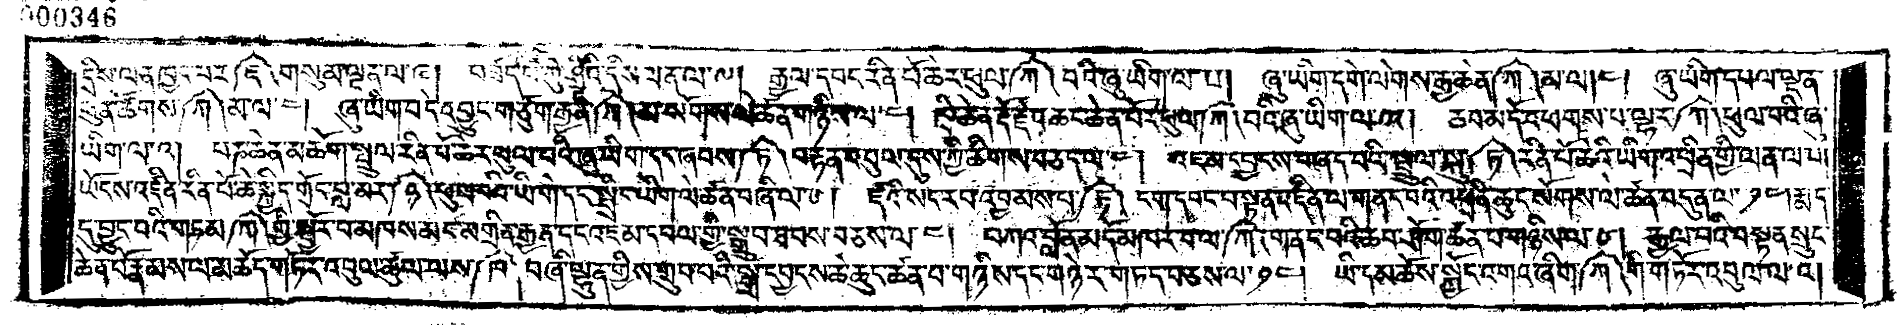དྲིས་ལན་ཁྱད་པར ༼ཇ༽ གསུམ་ལྡན་ལ ༩། བཟོད་པ་ཀུ་ཤྲིའི་དྲིས་ལན་ལ ༧། རྒྱལ་དབང་རིན་པོ་ཆེར་ཕུལ ༼ཀ༽ བའི་ཞུ་ཡིག་ལ ༥། ཞུ་ཡིག་དགེ་ལེགས་རྒྱ་ཆེན ༼ཀ༽ མ་ལ། ༤། ཞུ་ཡིག་དཔལ་ལྡན་
ཕུན་ཚོགས ༼ཀ༽ མ་ལ ༤། ཞུ་ཡིག་བདེ་འབྱུང་གཙུག་རྒྱན ༼ཀ༽ མ་སོགས་ལ་ཚན་གཉིས་ལ ༤། ཁྲི་ཆེན་རྡོ་རྗེ་འཆང་ཆེན་པོར་ཕུལ ༼ཀ༽ བའི་ཞུ་ཡིག་ལ ༡༢། ཆབ་མདོ་འཕགས་པ་ལྷར ༼ཀ༽ ཕུལ་བའི་ཞུ་
ཡིག་ལ ༢། པཎ་ཆེན་མཆོག་སྤྲུལ་རིན་པོ་ཆེར་ཕུལ་བའི་ཞུ་ཡིག་དང་ཞབས ༼ཏ༽ བརྟན་འབུལ་དུས་ཀྱི་ཚིགས་བཅད་ལ ༤། འཇམ་དབྱངས་བཞད་པའི་སྤྲུལ་སྐུ ༼ཏ༽ རིན་པོ་ཆེའི་ཡིག་འཕྲིན་གྱི་ལན་ལ ༥།
ཡོངས་འཛིན་རིན་པོ་ཆེ་སྐྱིད་གྲོང་བླ་མར ༼ཉ༽ ཕུལ་བའི་ཡི་གེ་དང་སྤྲིང་ཡིག་ལེ་ཚན་བཞི་ལ ༦། ཛའི་སང་རབ་འབྱམས་པ ༼ཏ༽ ངག་དབང་བསྟན་འཛིན་ལ་གནང་བའི་འཕྲིན་ཆུང་སོགས་ལེ་ཚན་བདུན་ལ ༡༤། རྨད་
དུ་བྱུང་བའི་གཏམ ༼ཀ༽ གྱི་སྦྱོར་བ་མཁས་མང་མགྲིན་རྒྱན་དང་འཇམ་དཔལ་གྱི་སྒྲུབ་ཐབས་བཅས་ལ ༤། བཀའ་བློན་མདོ་མཁར་བ་ལ ༼ཀ༽ གནང་བའི་ཆབ་ཤོག་ཚན་པ་གཉིས་ལ ༦། རྒྱལ་བའི་བསྟན་སྲུང་
ཆེན་པོ་རྣམས་ལ་མཆོད་གཏོར་འབུལ་ཚུལ་ལས ༼ཁ༽ བཞི་ལྷུན་གྱིས་གྲུབ་པའི་སྒྲ་དབྱངས་ཆེ་ཆུང་ཚན་པ་གཉིས་དང་གཉེར་གཏད་བཅས་ལ ༡༤། ཡི་དམ་ཆོས་སྐྱོང་འགའ་ཞིག ༼ཀ༽ གི་གཏོར་འབུལ་ལ ༢།